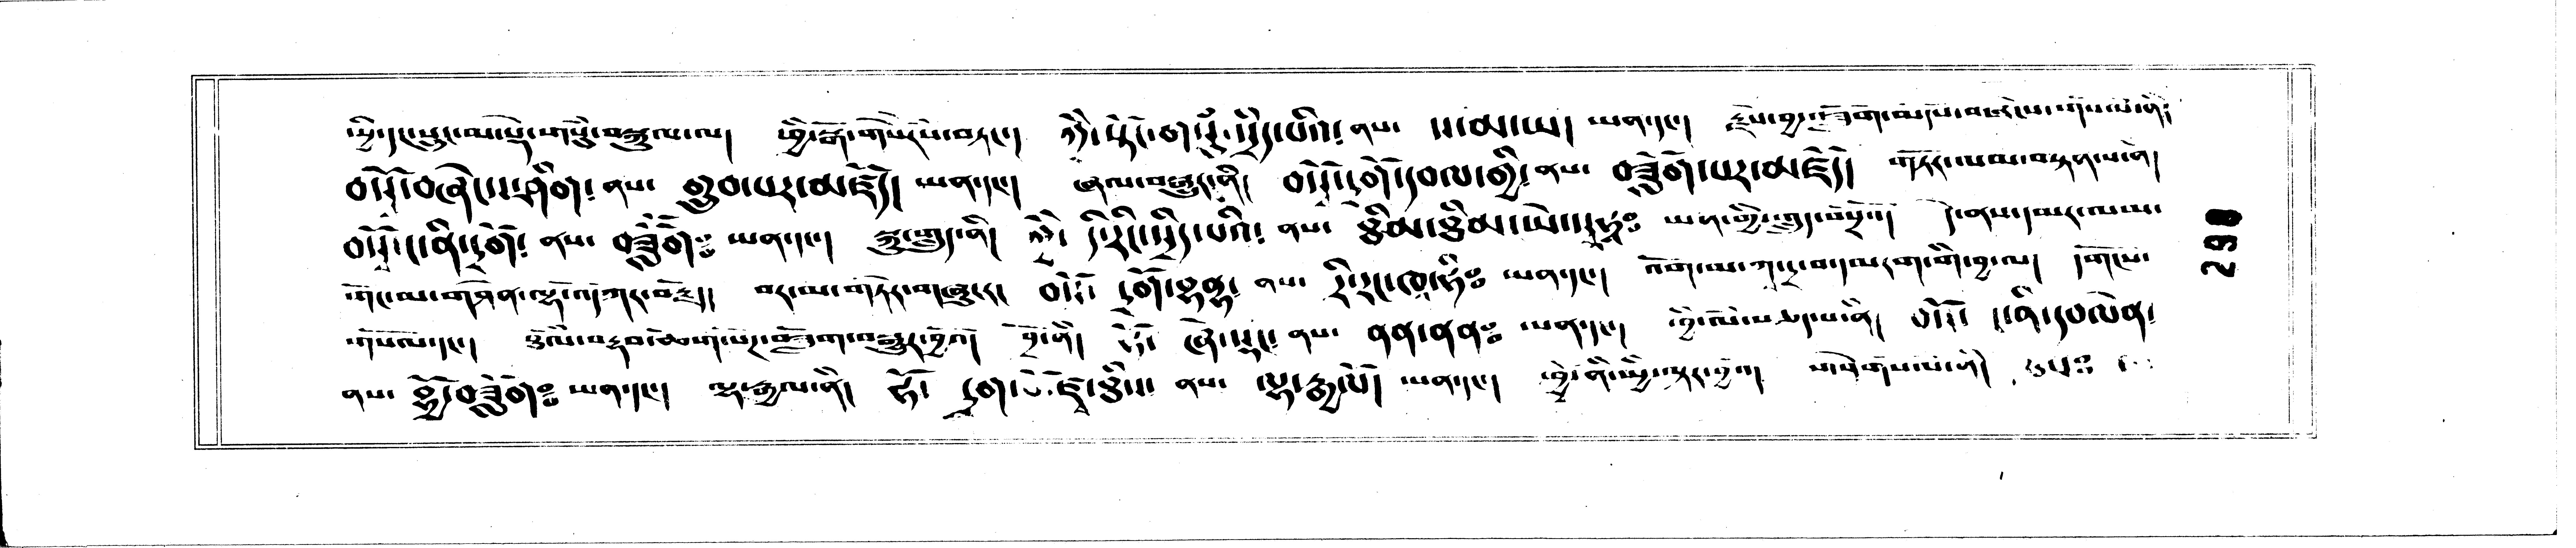སྤྱི་དང་སྲུང་མ་སྡེ་གསུམ་བསྐུལ་ལ། ཕྱི་སྒོ་གསེར་སྐྱེམས་བཏང་། ཀྱཻ་སྟོང་གསུམ་སྲིད་པའི་ནས་ས་མ་ཡ། ཡན་དང་། རྗེས་བྱ་བཟློག་མདོས་བཞེངས་གསོལ་ནི།
 བསྭོ་བཞེངས་ཤིག་ནས་གྲུབ་པར་མཛོད། ཡན་དང་། ཞལ་བསྒྱུར་ནི། བསྭོཿ དྲག་པོ་དབལ་གྱི་ནས་བཟློག་པར་མཛོདཿ གཏོར་ལམ་བསྟན་པ་ནི། 
བསྭོཿ ང་ནི་དྲག་པོ་ནས་བཟློག་བཟློགཿ ཡན་དང་། སྐུ་གླུད་ནི། ཀྱེ་དེ་རིང་སྲིད་པའི་ནས་ཐིམ་ཐིམ་ཡེ་སྭཱཧཱཿ ཡན་གྱིས་གླུད་བསྔོའོ། དེ་ནས་དམར་ལམ་
གོང་མ་གཤེན་ལྷ་འོད་དཀར་བརྗོད། བར་མ་གཏེར་གཞུང་ལྟར། བསྭོ་དྲག་པོ་བྷན་དྷ་ནས་རི་རང་ཁ་ཧིཿ ཡན་དང་འོག་མ་ཀ་དྲ་བ་དམར་ནག་གིས་བྱ་ལ། དགོངས་
གསོལ་དང་། ཐལ་མོ་རྡེབ་ཆོག་སོགས་བཟློག་བསྒྱུར་བྱའོ། བྲོ་ནི། ཧོཿ ཞེ་སྡང་ནས་ནན་ནནཿ ཡན་དང་། ཕྱི་ལམ་བཅད་པ་ནི། བསྭོཿ ང་ནི་དབལ་ཆེན་
ནས་བྷྱོ་བཟློགཿ ཡན་དང་། ལྷ་རྒྱལ་ནི། ཧོཿ དྲག་པོ་ཛྭོ་ཐིས་ནས་ལྷ་རྒྱལ་ལོཿ ཡན་དང་། ཕྱྭ་ཚེ་ནི་སྤྱི་ལྟར་བྱའོ། གཤེགས་གསོལ་ནི། ཨཿ ཛྭོ་